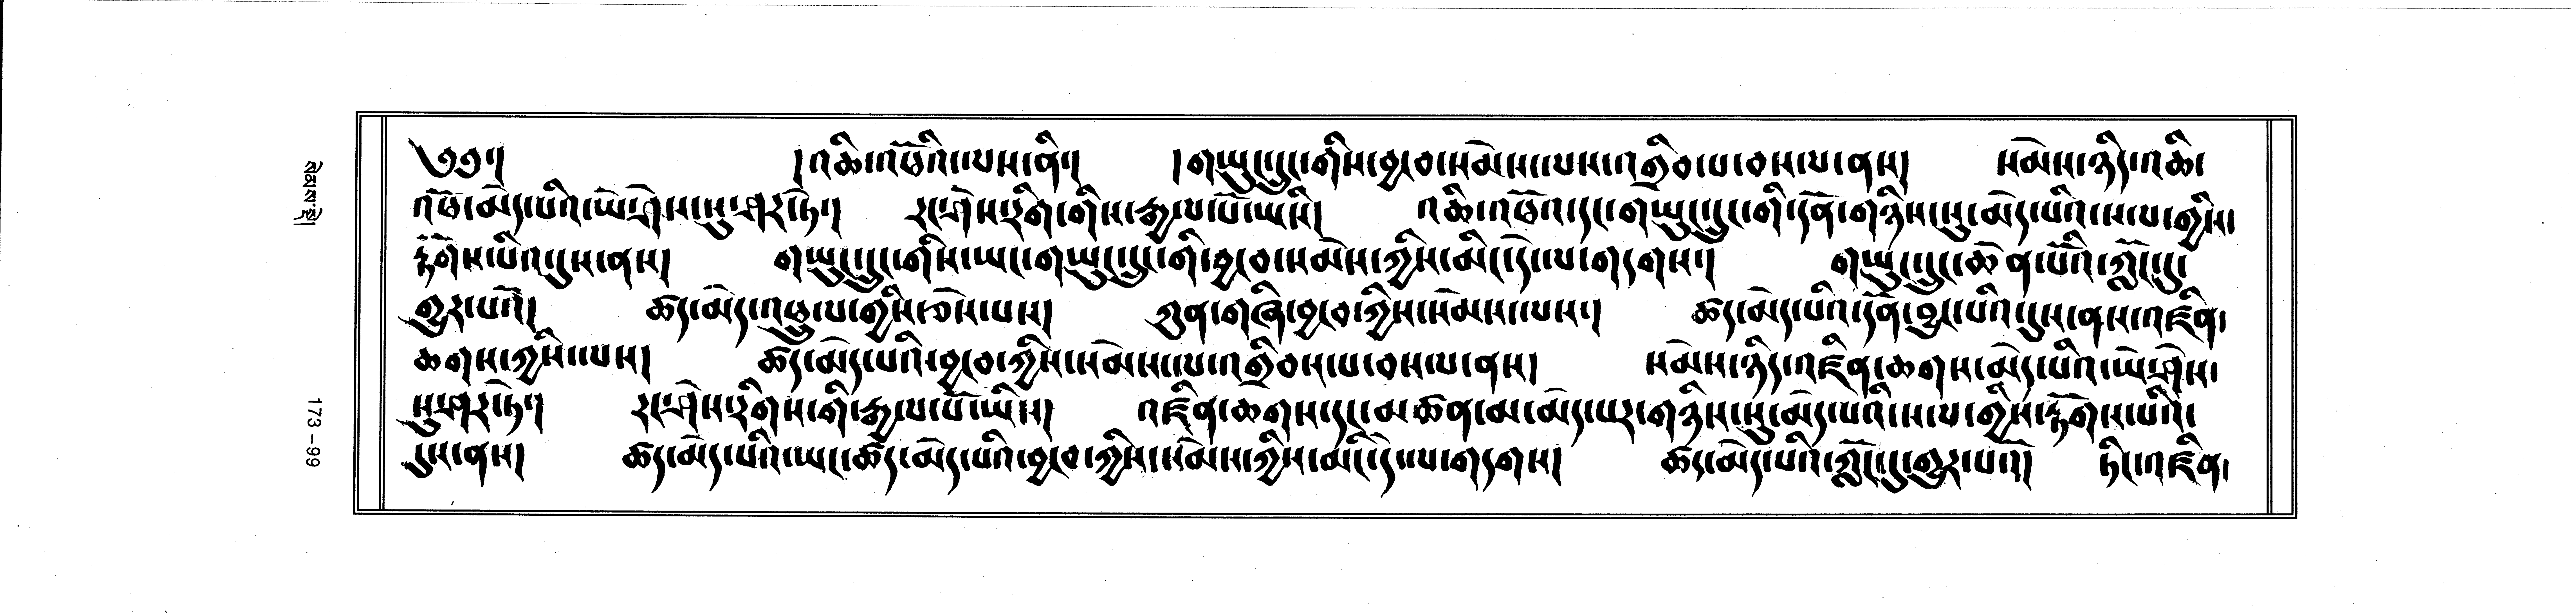འཆི་འཕོའི་ལས་ནི། གཡུང་དྲུང་གིས་བྱང་ཆུབ་སེམས་ལས་འགྲིབ་པ་བསལ་ནས། སེམས་ཉིད་འཆི་
འཕོ་མེད་པའི་ཡེ་ཤེས་སུ་ཤར་ཏེ། འཆི་འཕོ་དང་གཡུང་དྲུང་གི་དོན་གཉིས་སུ་མེད་པར་སལ་གྱིས་
རྟོགས་པའི་དུས་ན། གཡུང་དྲུང་གིས་ཡང་གཡུང་དྲུང་གི་བྱང་ཆུབ་ཀྱིས་མིང་དེ་ལ་གདགས། གཡུང་དྲུང་ཆེན་པོའི་ཀློང་དུ་
གྱུར་པའོ། །ཚད་མེད་འཕྲུལ་གྱིས་ཅེས་པས། ཀུན་གཞི་བྱང་ཆུབ་ཀྱི་སེམས་ལས། ཚད་མེད་པའི་དོན་བྱུང་བའི་དུས་ནས་འཛིན་
ཆགས་ཀྱི་ལས་ནི། ཚད་མེད་པའི་བྱང་ཆུབ་སེམས་ལས་འགྲིབ་པ་བསལ་ནས། སེམས་ཉིད་འཛིན་ཆགས་མེད་པའི་ཡེ་ཤེས་
སུ་ཤར་ཏེ། རང་ཤེས་རིག་གི་རྒྱལ་པོ་ཡིས་འཛིན་ཆགས་དང་མཚན་མ་མེད་པར་གཉིས་སུ་མེད་པར་སལ་གྱིས་རྟོགས་པའི་
དུས་ན། ཚད་མེད་པའི་ཡང་ཚད་མེད་པའི་བྱང་ཆུབ་ཀྱིས་མིང་དེ་ལ་གདགས། ཚད་མེད་པའི་ཀློང་དུ་གྱུར་པའོ། །ཏིང་འཛིན་